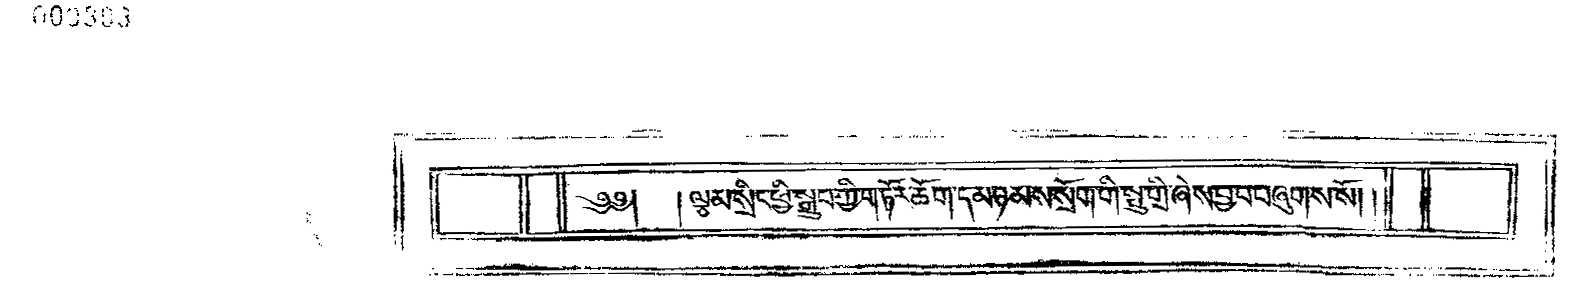༄༅། །ལྕམ་སྲིང་ཕྱི་སྒྲུབ་ཀྱི་གཏོར་ཆོག་ད་མ་ཉམས་སྲོག་གི་སྤུ་གྲི་ཞེས་བྱ་བ་བཞུགས་སོ། །